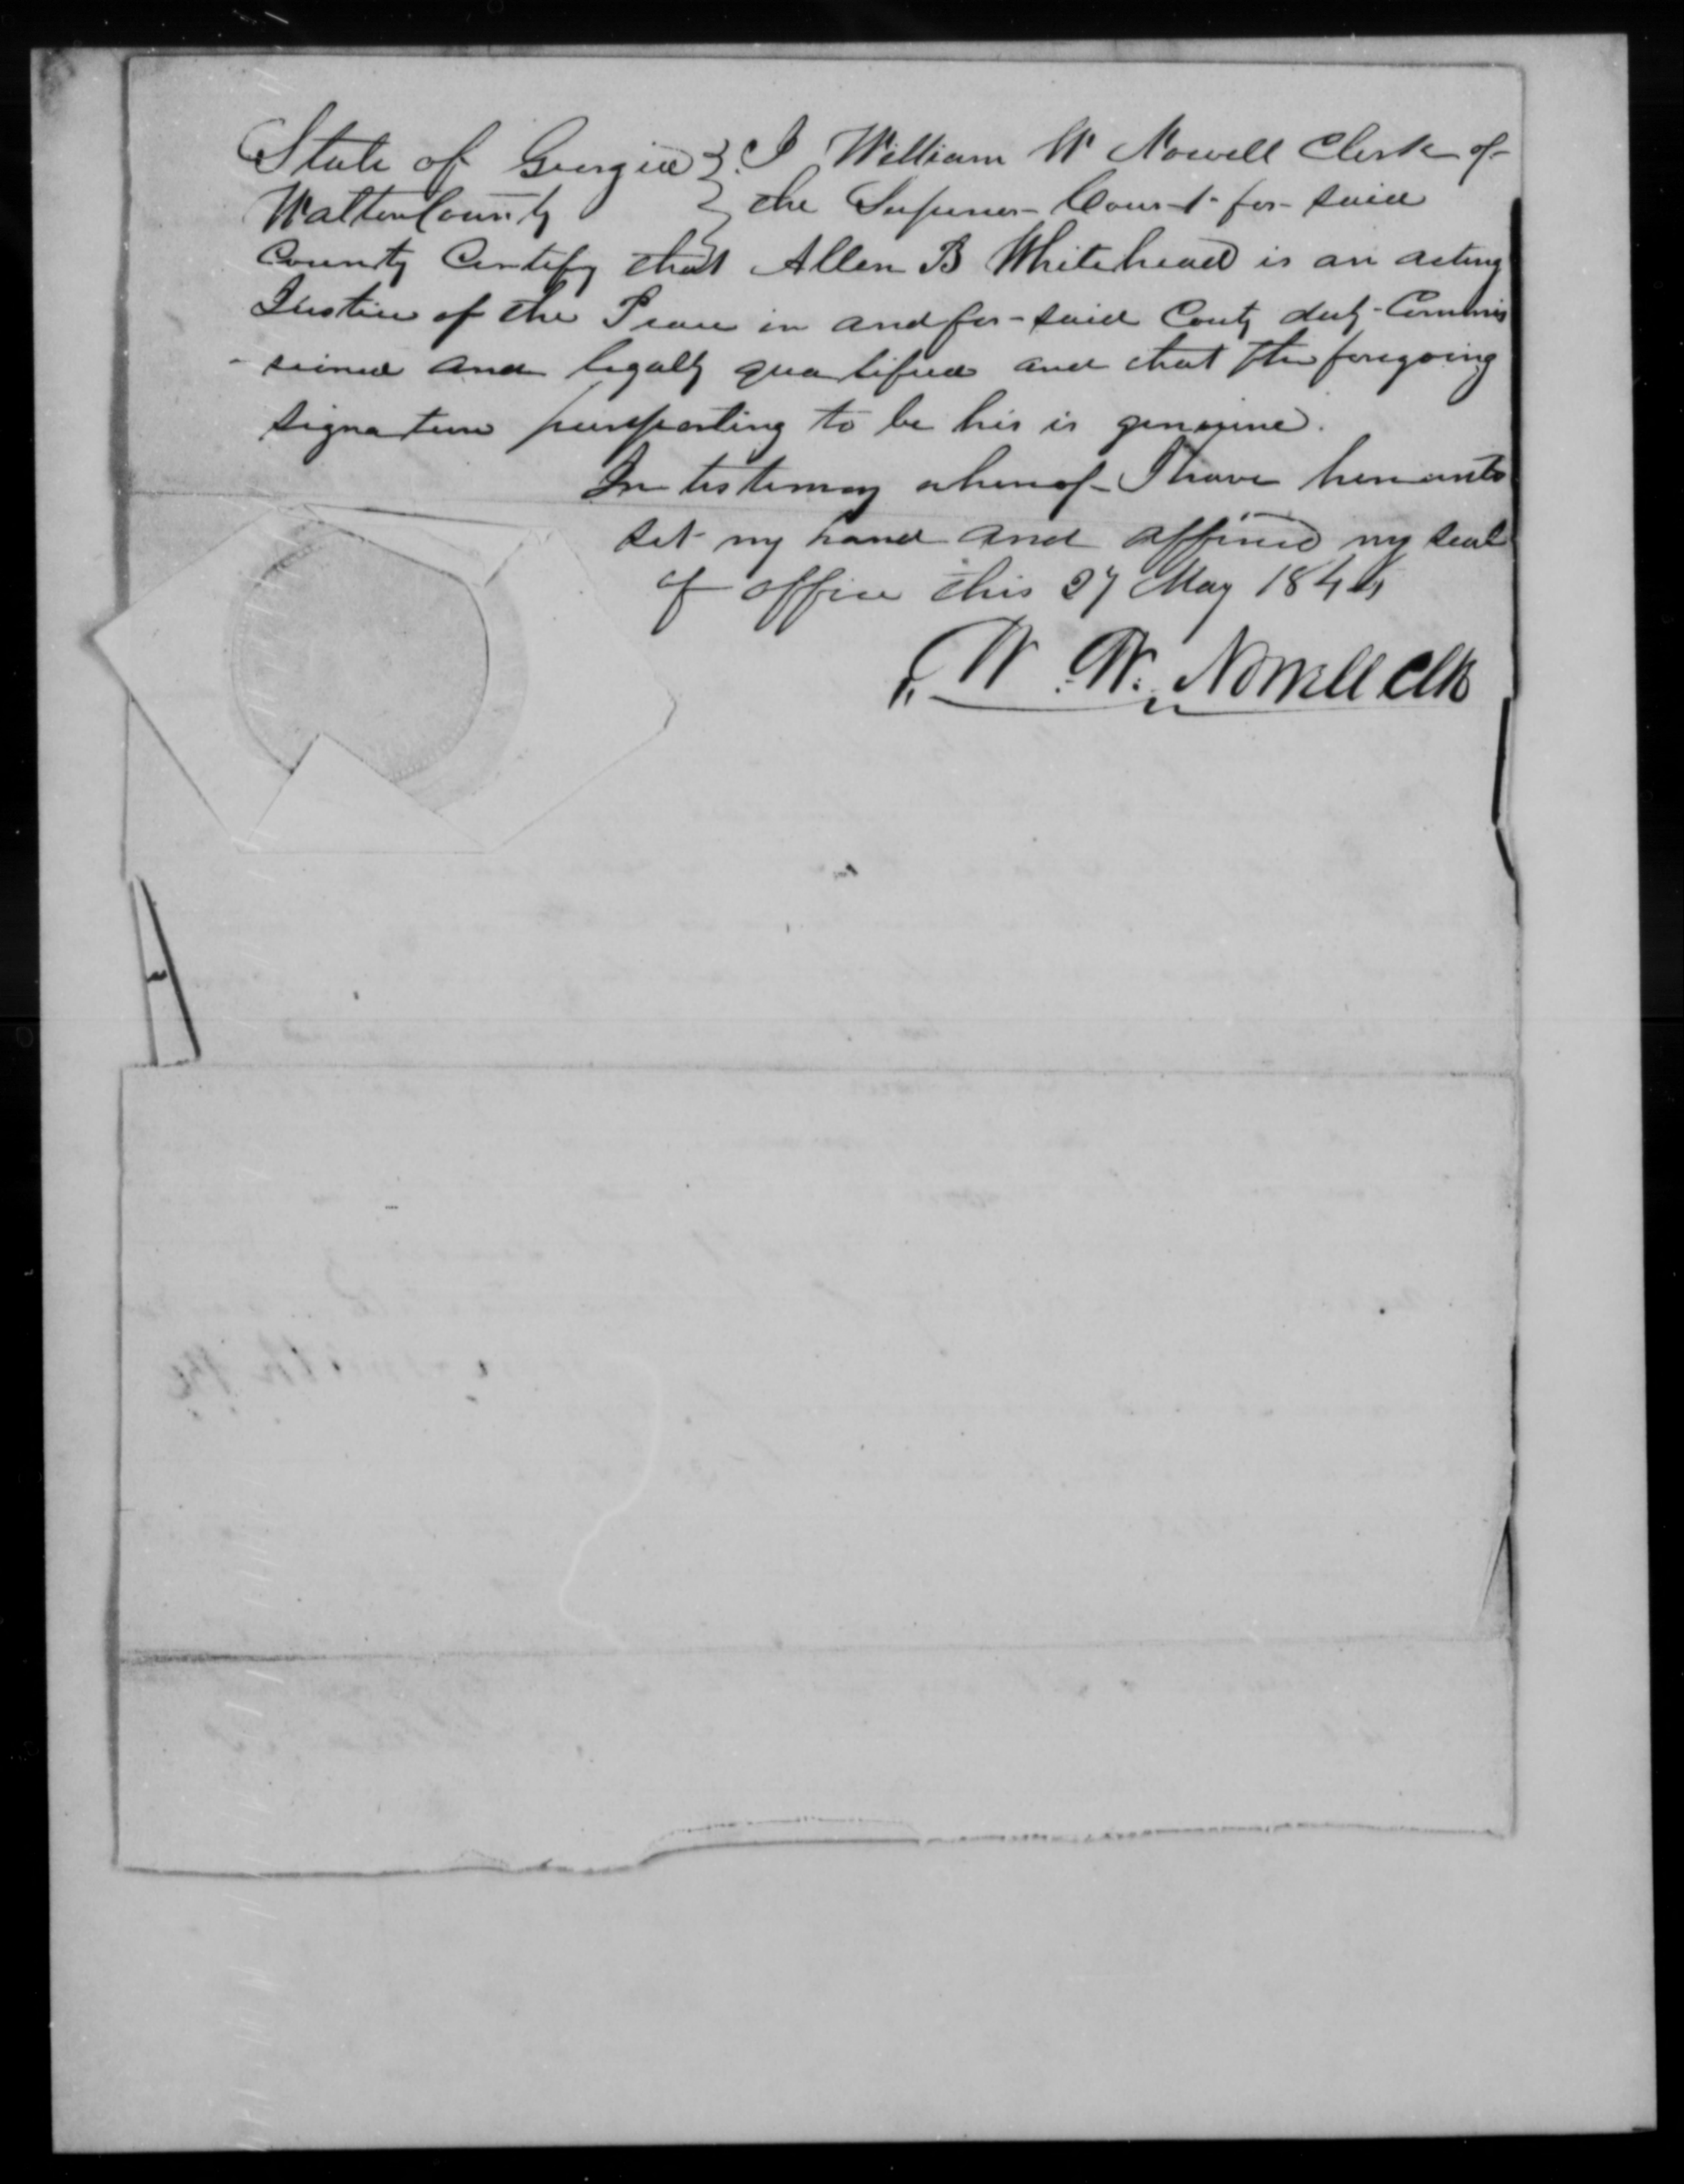State of Georgia  I William W Nowell Clerk of
Walter County ⎬the Superior Court for said
County certify that Allen B Whitehead is an acting
Justice of the Peace in and for said County duly 
Commissioned and legally qualified and that the foregoing
signature purporting to be his is genuine.
In testimony whereof I have hereunto
set my hand and affixed my seal 
of office this 27 May 1844
W. W. Nowell Clk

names: Allen B Whitehead, William W Nowell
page: 47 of 81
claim: widow's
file: W. 5183, Bolling Wright, Va.